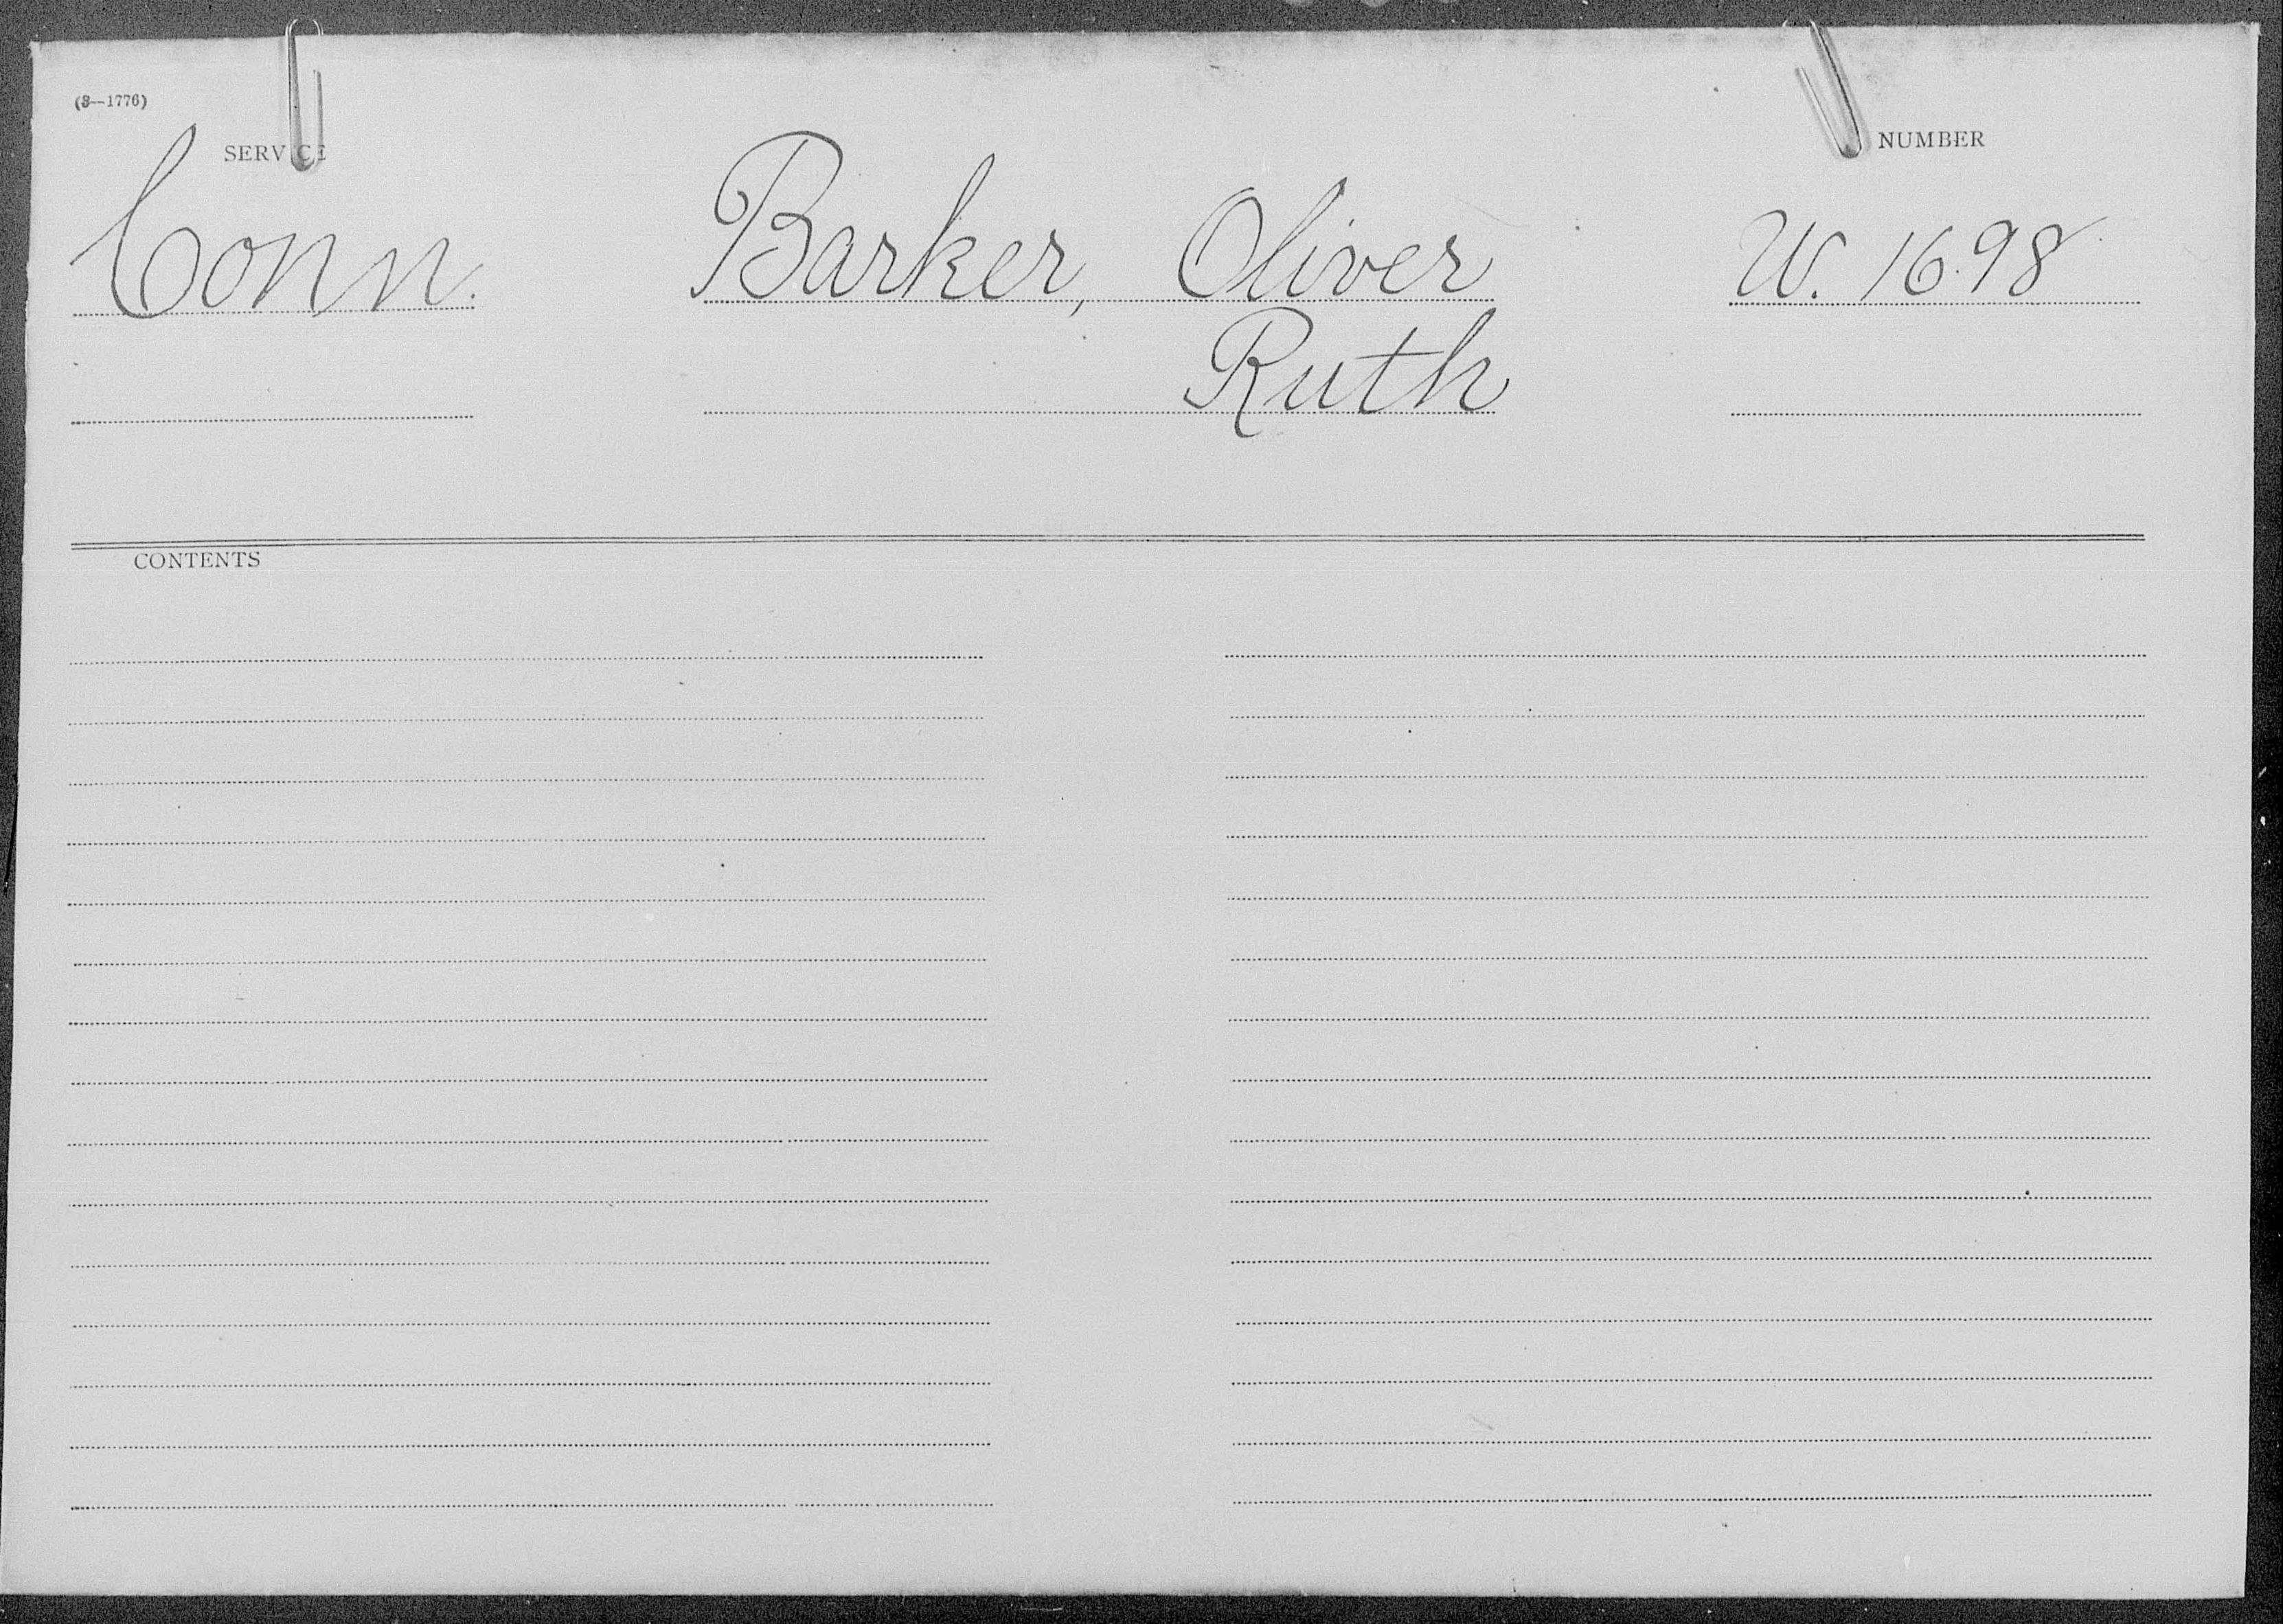(3-1776)

SERVICE
Conn.

Barker, Oliver
Ruth

NUMBERW. 1698

CONTENTS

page: 1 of 51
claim: widow's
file: W. 1698, Oliver Barker, Conn.